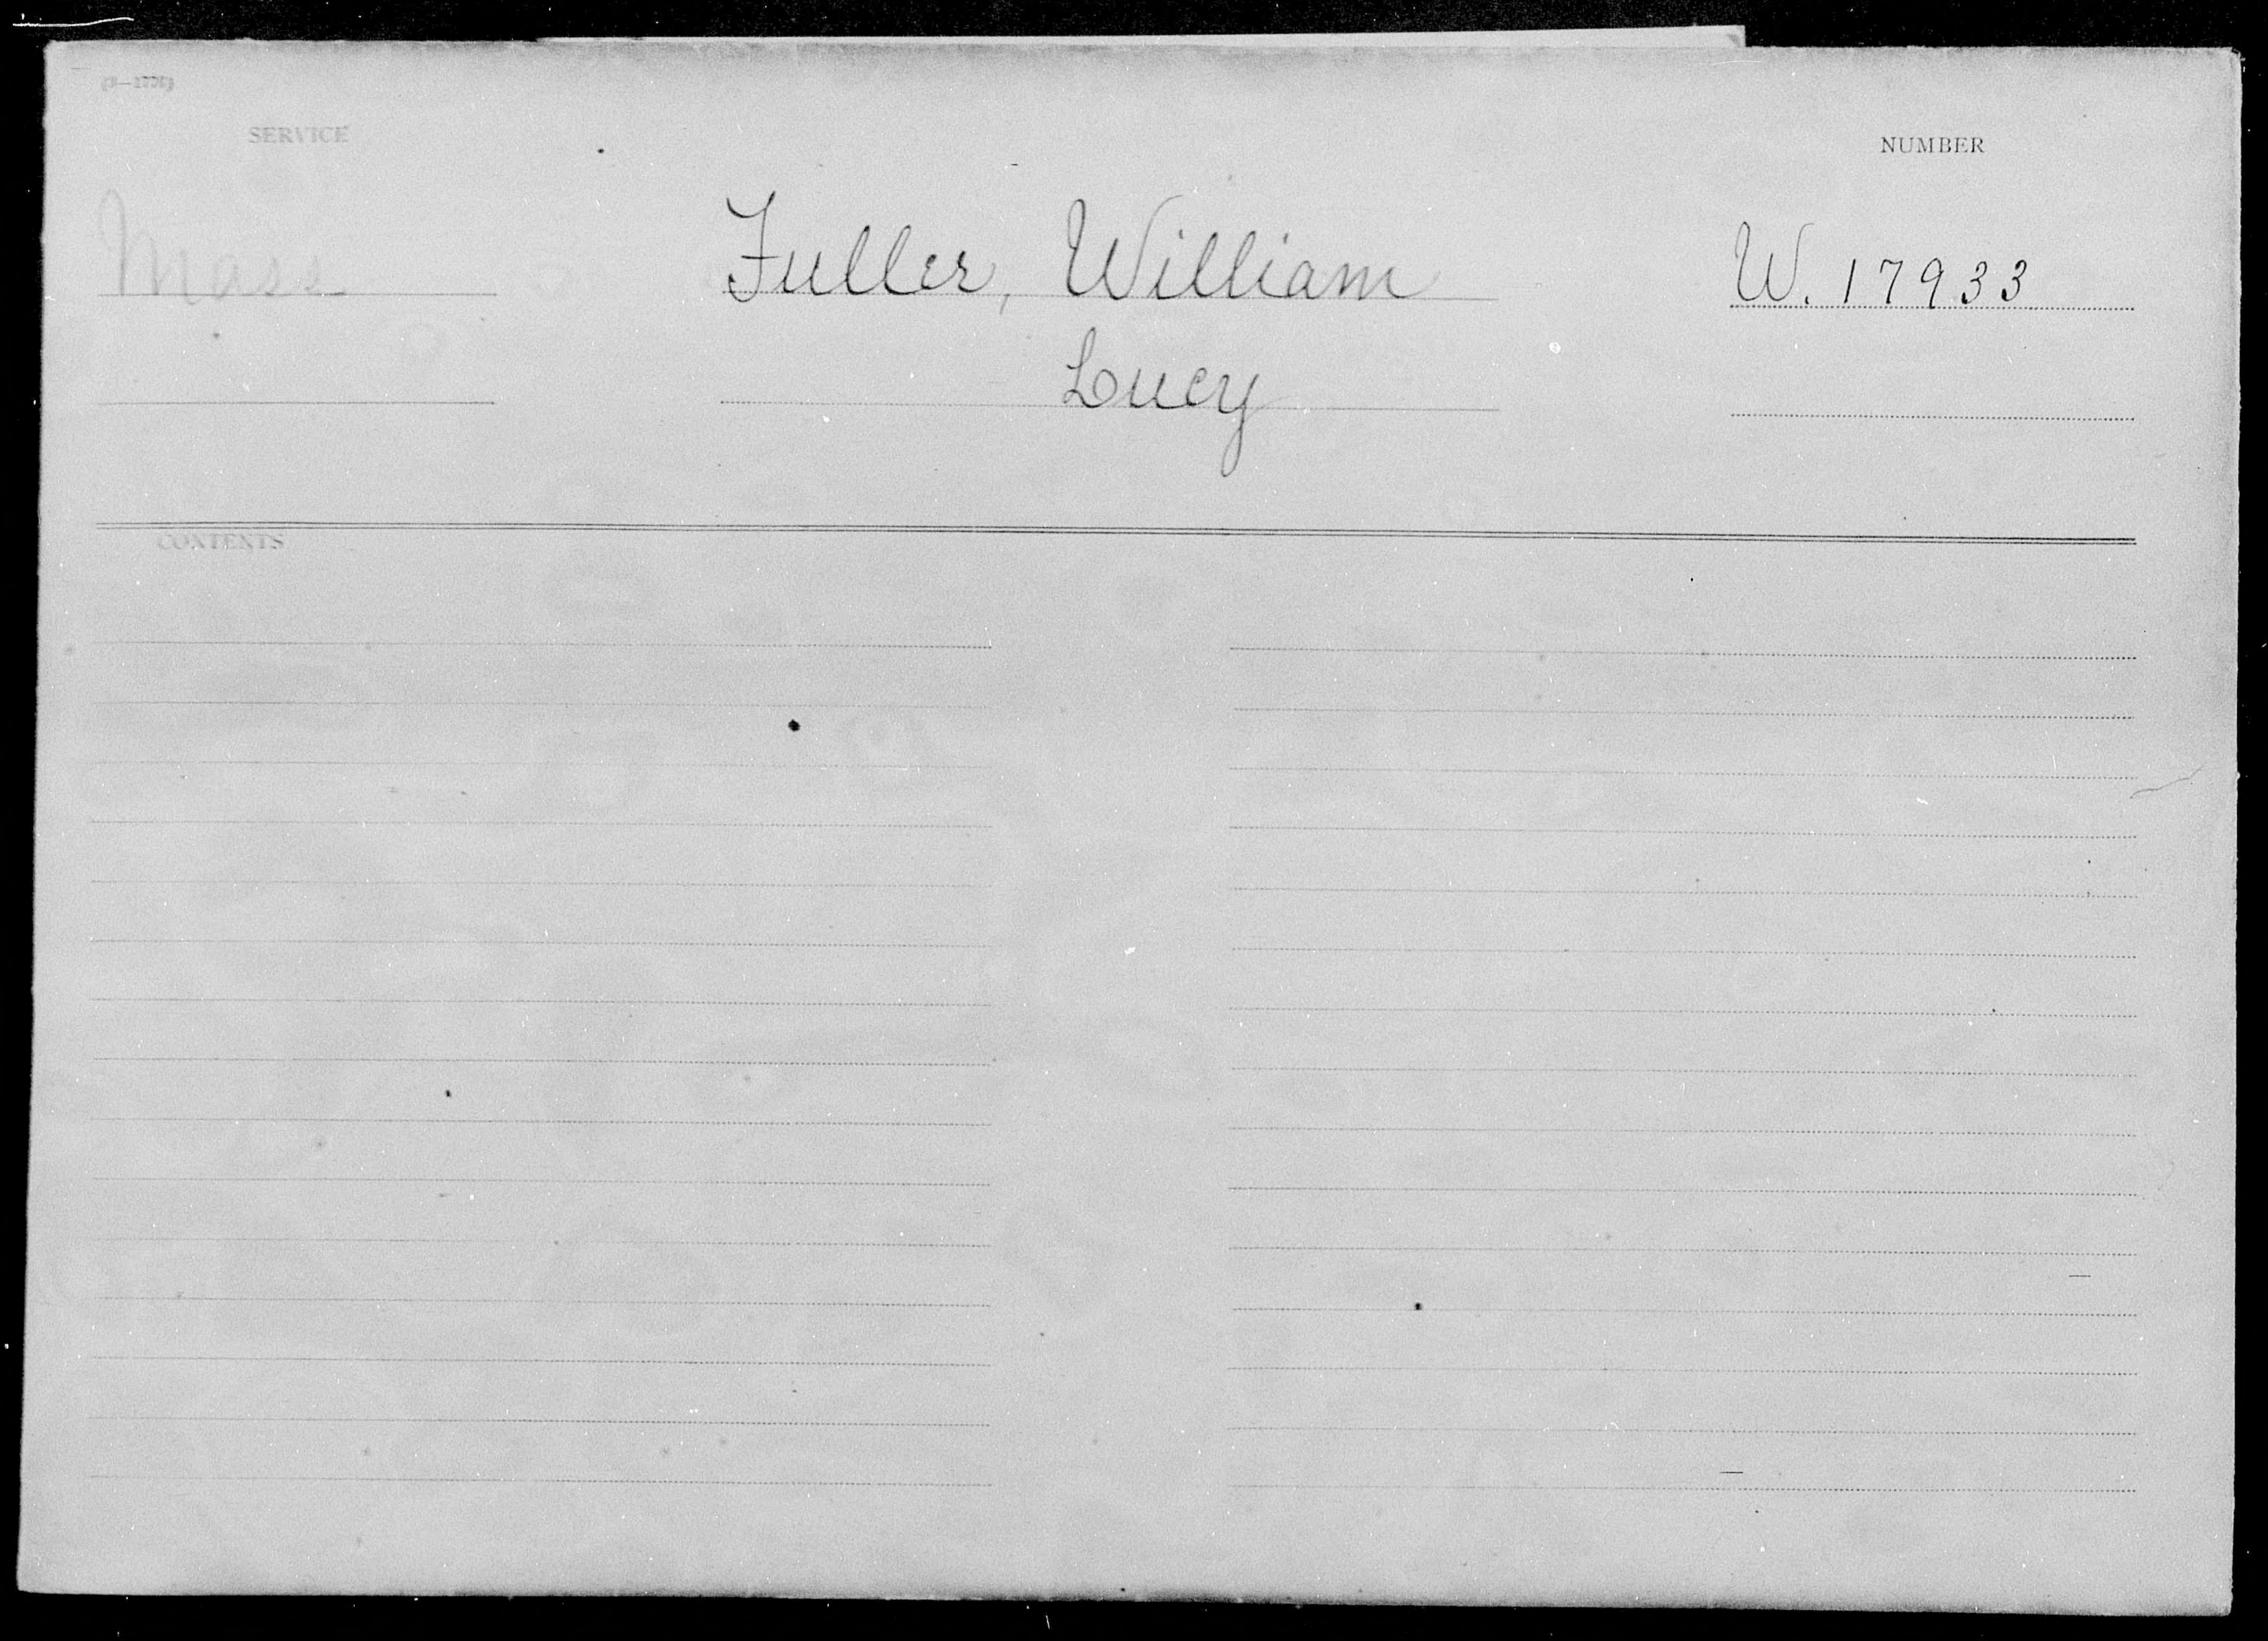SERVICE
Mass
Fuller, Wiliam
Lucy
NUMBER
W. 17933
CONTENTS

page: 1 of 45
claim: widow's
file: W. 17933, William Fuller, Mass